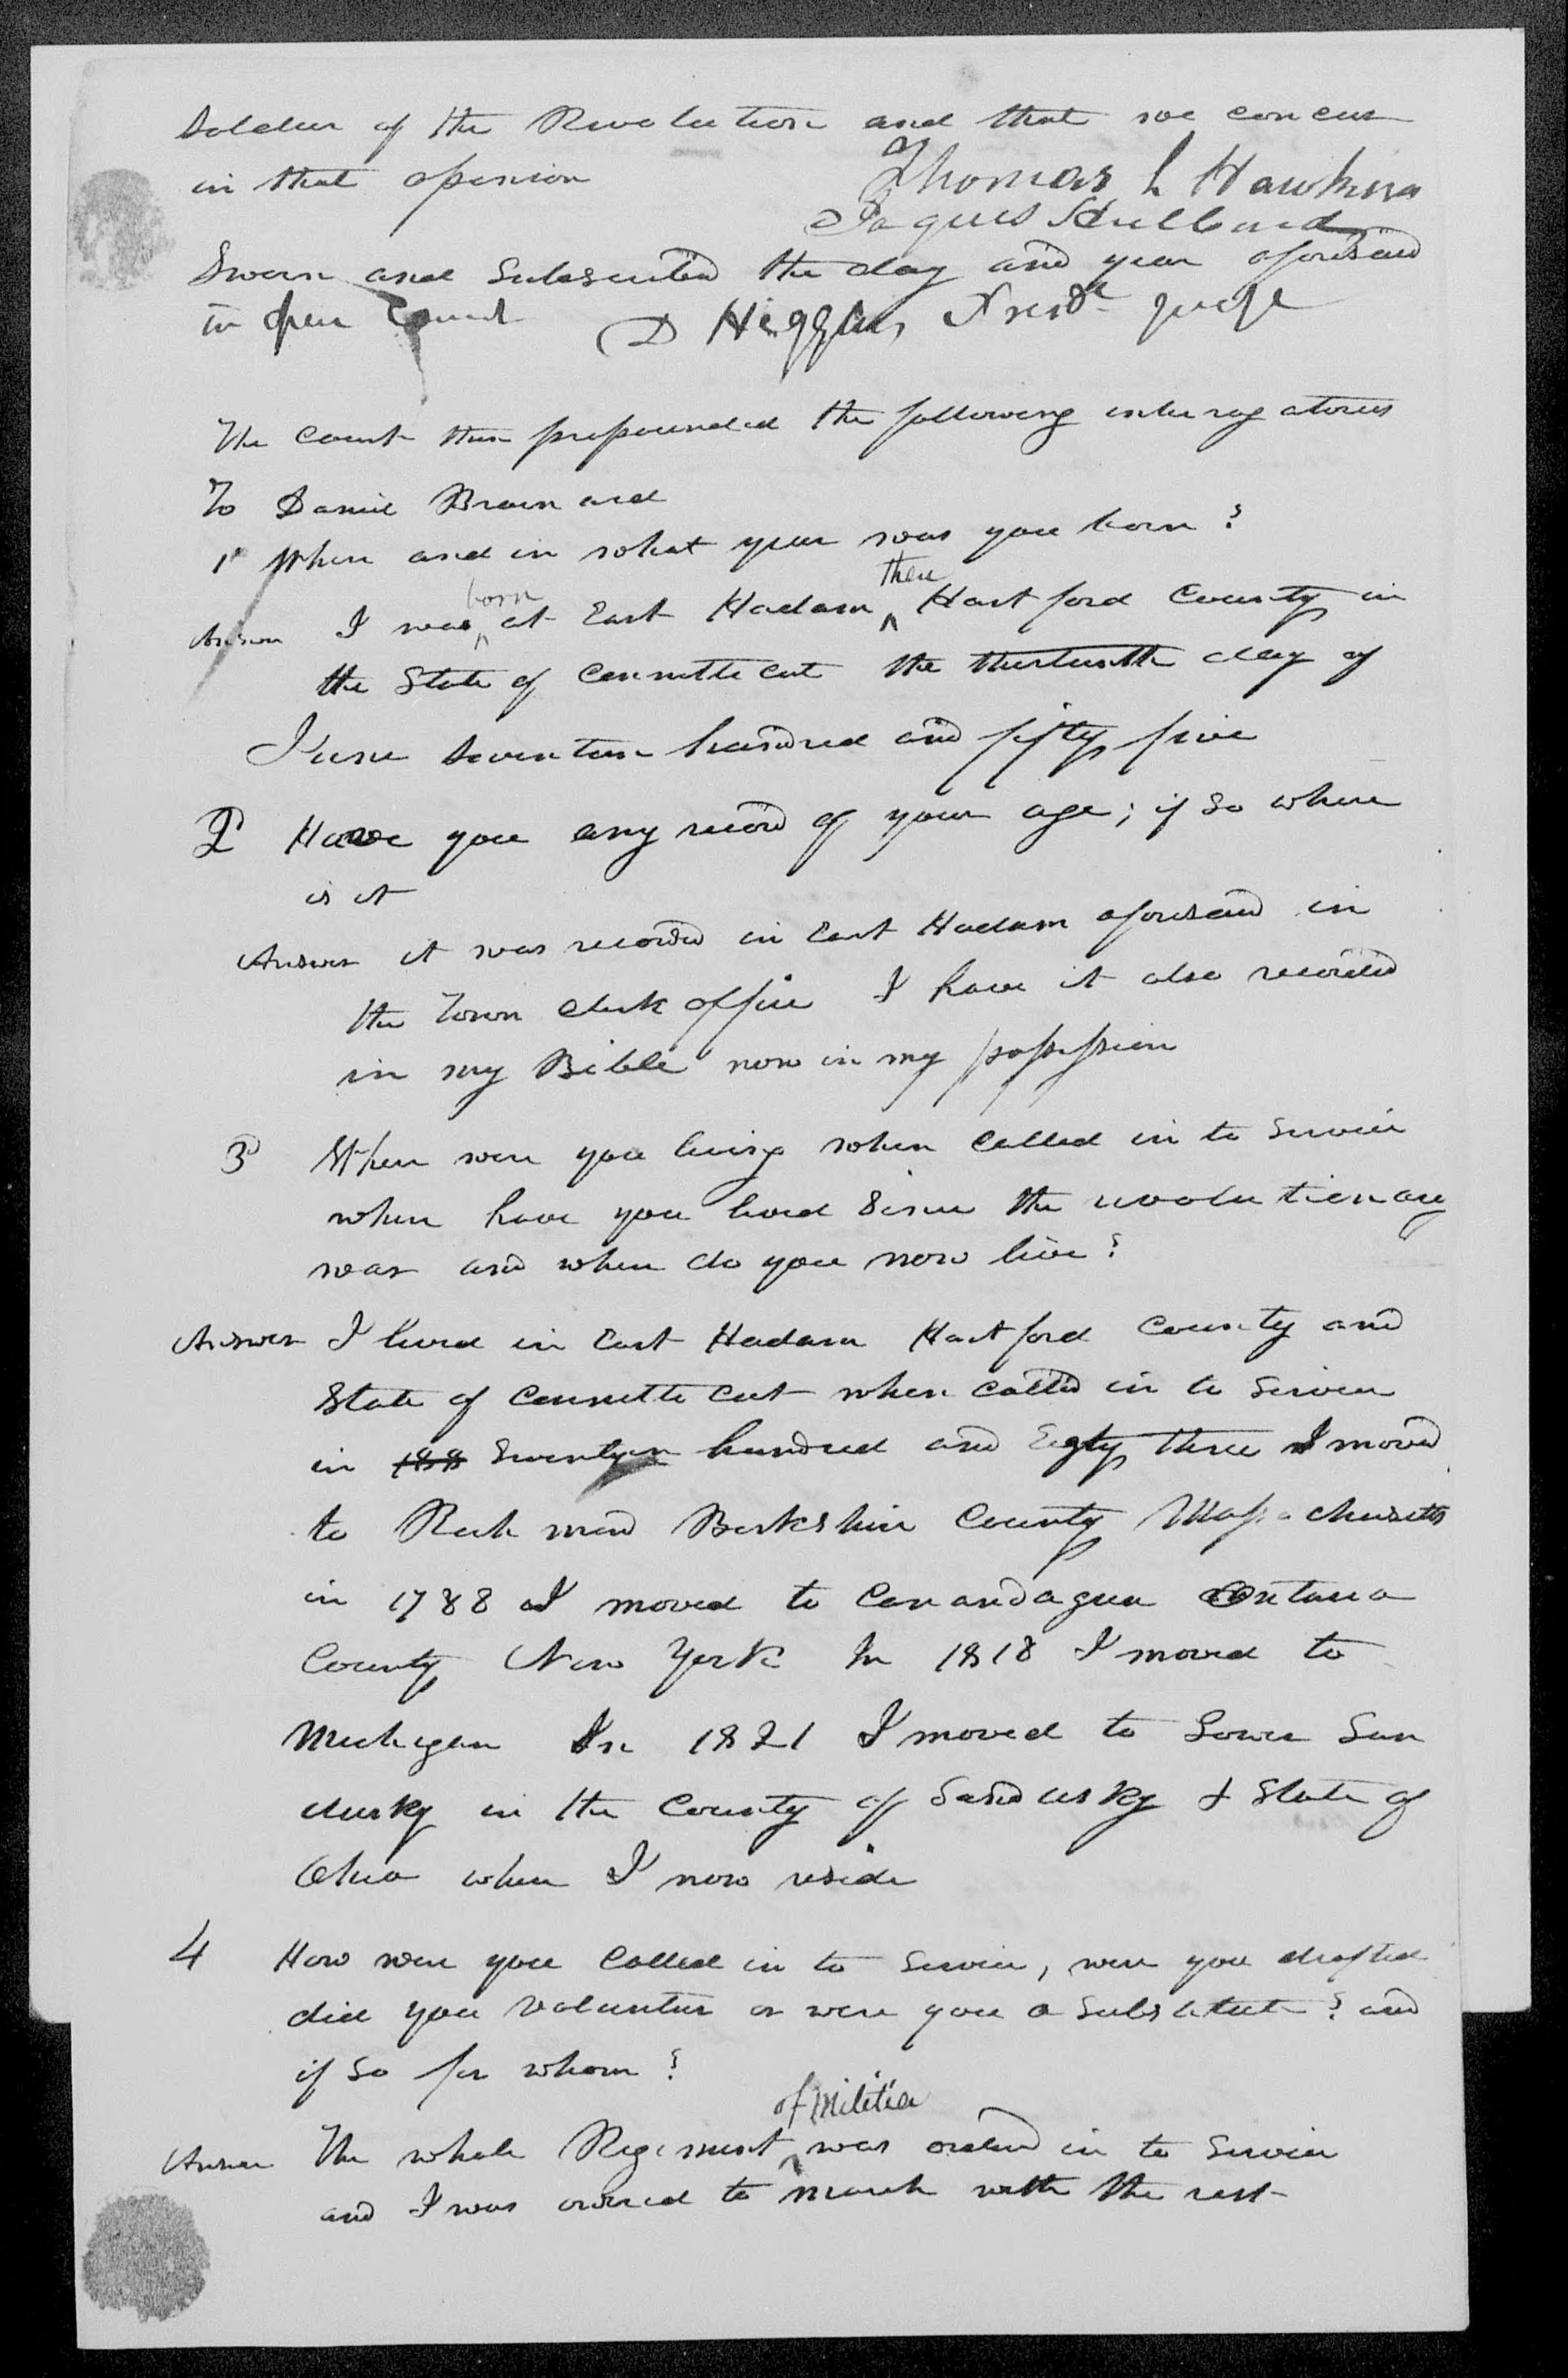soldier of the Revolution and that concurs in that opinion.

Thomas L Hawkins
Jacques Hulburd

Sworn and subscribed the day and year aforesaid in open court.
D Higgins

The court thus propounded the following interrogatories
To Daniel Brainard
1. Where and in what year were you born?
I was born at East Hadan then Hartford county in the state of Connecticut the thirteenth day of June seventeen hundred and fifty five.

2. Have you any record of your age; if so where is it.
Answer. It was recorded in East Hadan aforesaid in the town clerk office. I have it also recorded in my Bible now in my profession.

3. Where were you living when called to service when have you lived since the Revolutionary War and where do you now live?
Answer. I lived in East Hadan Hartford County in the state of Connecticut when called in to service in seventeen hundred and eighty three. I moved to Rubman Berkshire County Massachusetts in 1788 . I moved to Canadaqua Ontario County New York in 1818. I moved to Michingan in 1821. I moved to Lower Sandusky in the county of Sandusky and State of Ohio where I now reside.

4. How were you called in to service, were you drafted. did you volunteer or were you a substitute and if so for whom?
Answer. The whole Regiment of Militia was ordered in to service and I was orderd to march with the rest.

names: Thomas L Hawkins, D Higgins, Jaques Hulburd, Daniel Brainard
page: 7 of 30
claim: survivor's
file: S. 3099, Daniel Brainard, Conn. Privateer